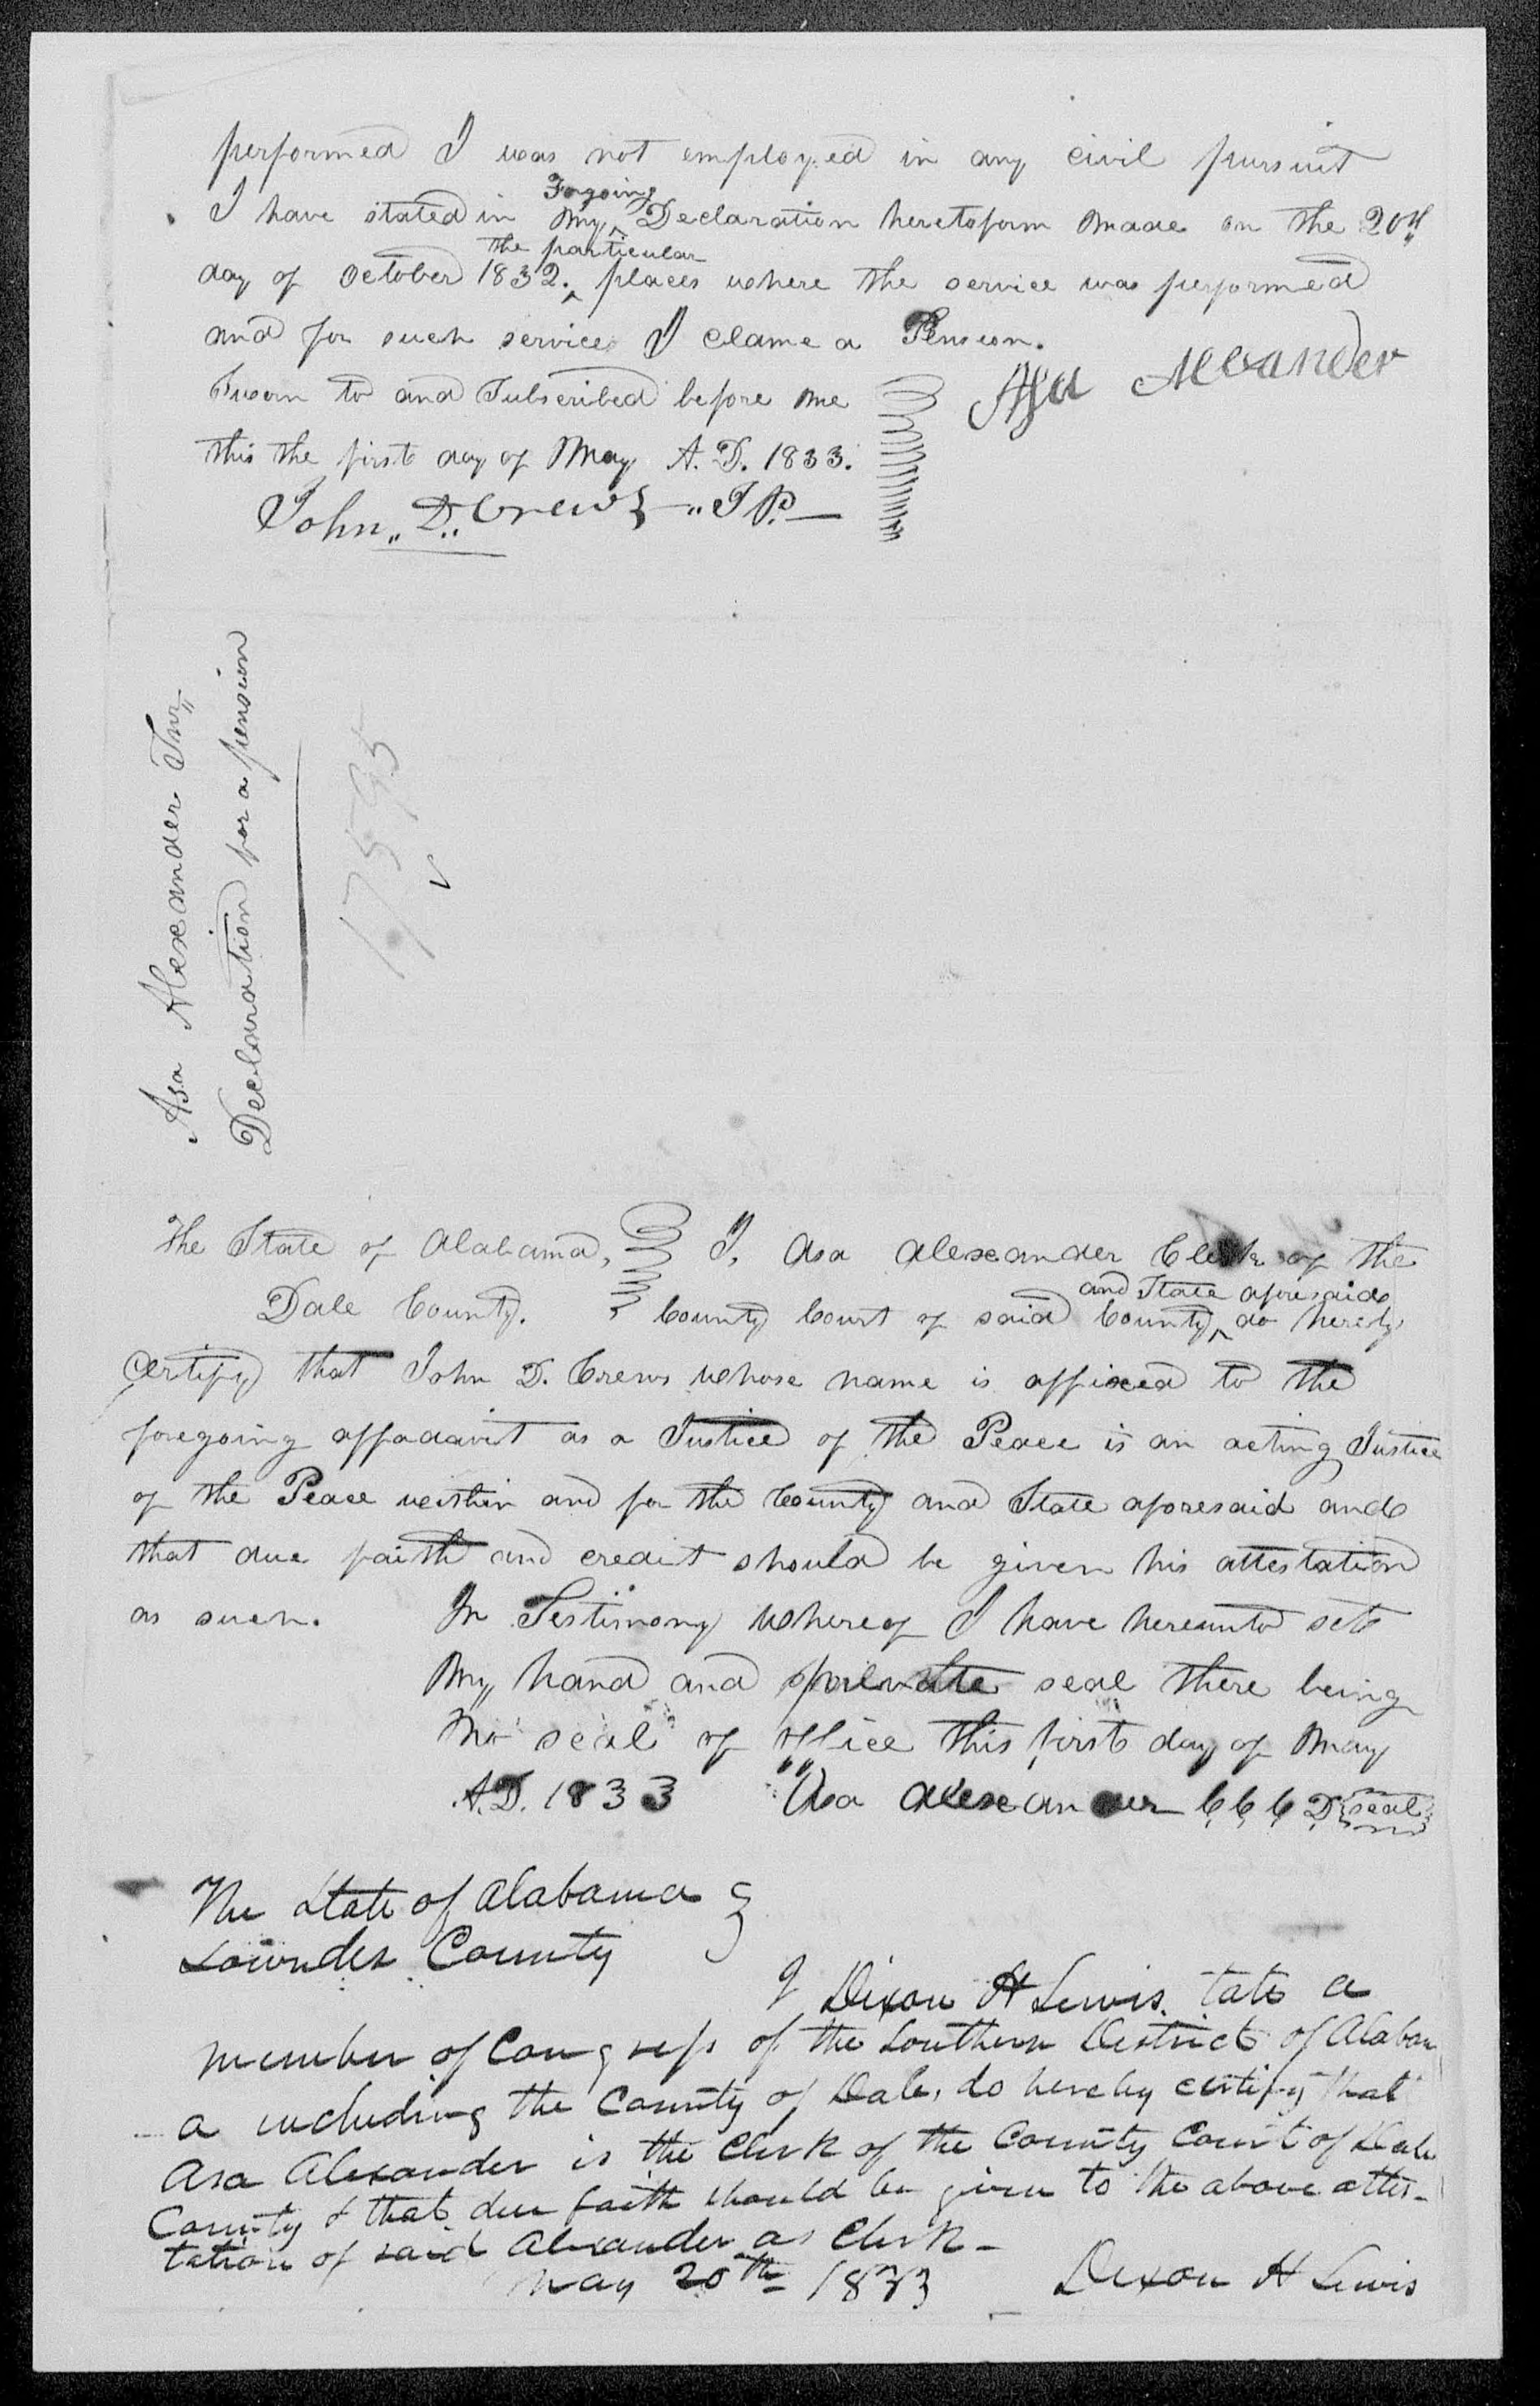performed I was not employed in any civil pursuit I have stated in my ^forgoing [inserted above] declaration heretoform made on the 20th day of October 1832. ^The Particular [inserted above} places where the service was performed and for such service I claim a Pension.
[Signature] Asa Alexander
Sworn to and subscribed before me this first day of May A.D. 1833. John D. Crews J.P.

Asa Alexander Senr. Declaration for a pension 17595

The State of Alabama
Dale County
I, Asa Alexander, Clerk of the County Court of said County [inserted above and State aforesaid], do hereby certify that John D. Crews whose name is affixed to the foregoing affadavit ass a Justice of the Peace is an acting Justice of the Peace within and for the county and State aforesaid and that due faith and credit should be given his attestation as such. In Testimony whereof I have hereunder and set my hand and private seal there being no seal of office this first day of May A.D. 1833. 
[Signature] Asa Alexander CCCD Seal

The State of Alabama
Lowndes County
I Dixon H. Lewis late a member of Congress of the Lowndes District of Alabama and including the county of Dale, do hereby certify that Asa Alexander is the Clerk of the County Court of Dale County and that due faith should be given to the above attestation of said Alexander as Clerk- May 20th 1833.
[Signature] Dixon H. Lewis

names: Dixon H Lewis, Dixon H Lewis, Asa Alexander, Asa Alexander, John D Crews, Alexander, John D Crews, Asa Alexander, Asa Alexander, Asa Alexander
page: 7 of 35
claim: survivor's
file: S. 32092, Asa Alexander, Ga.